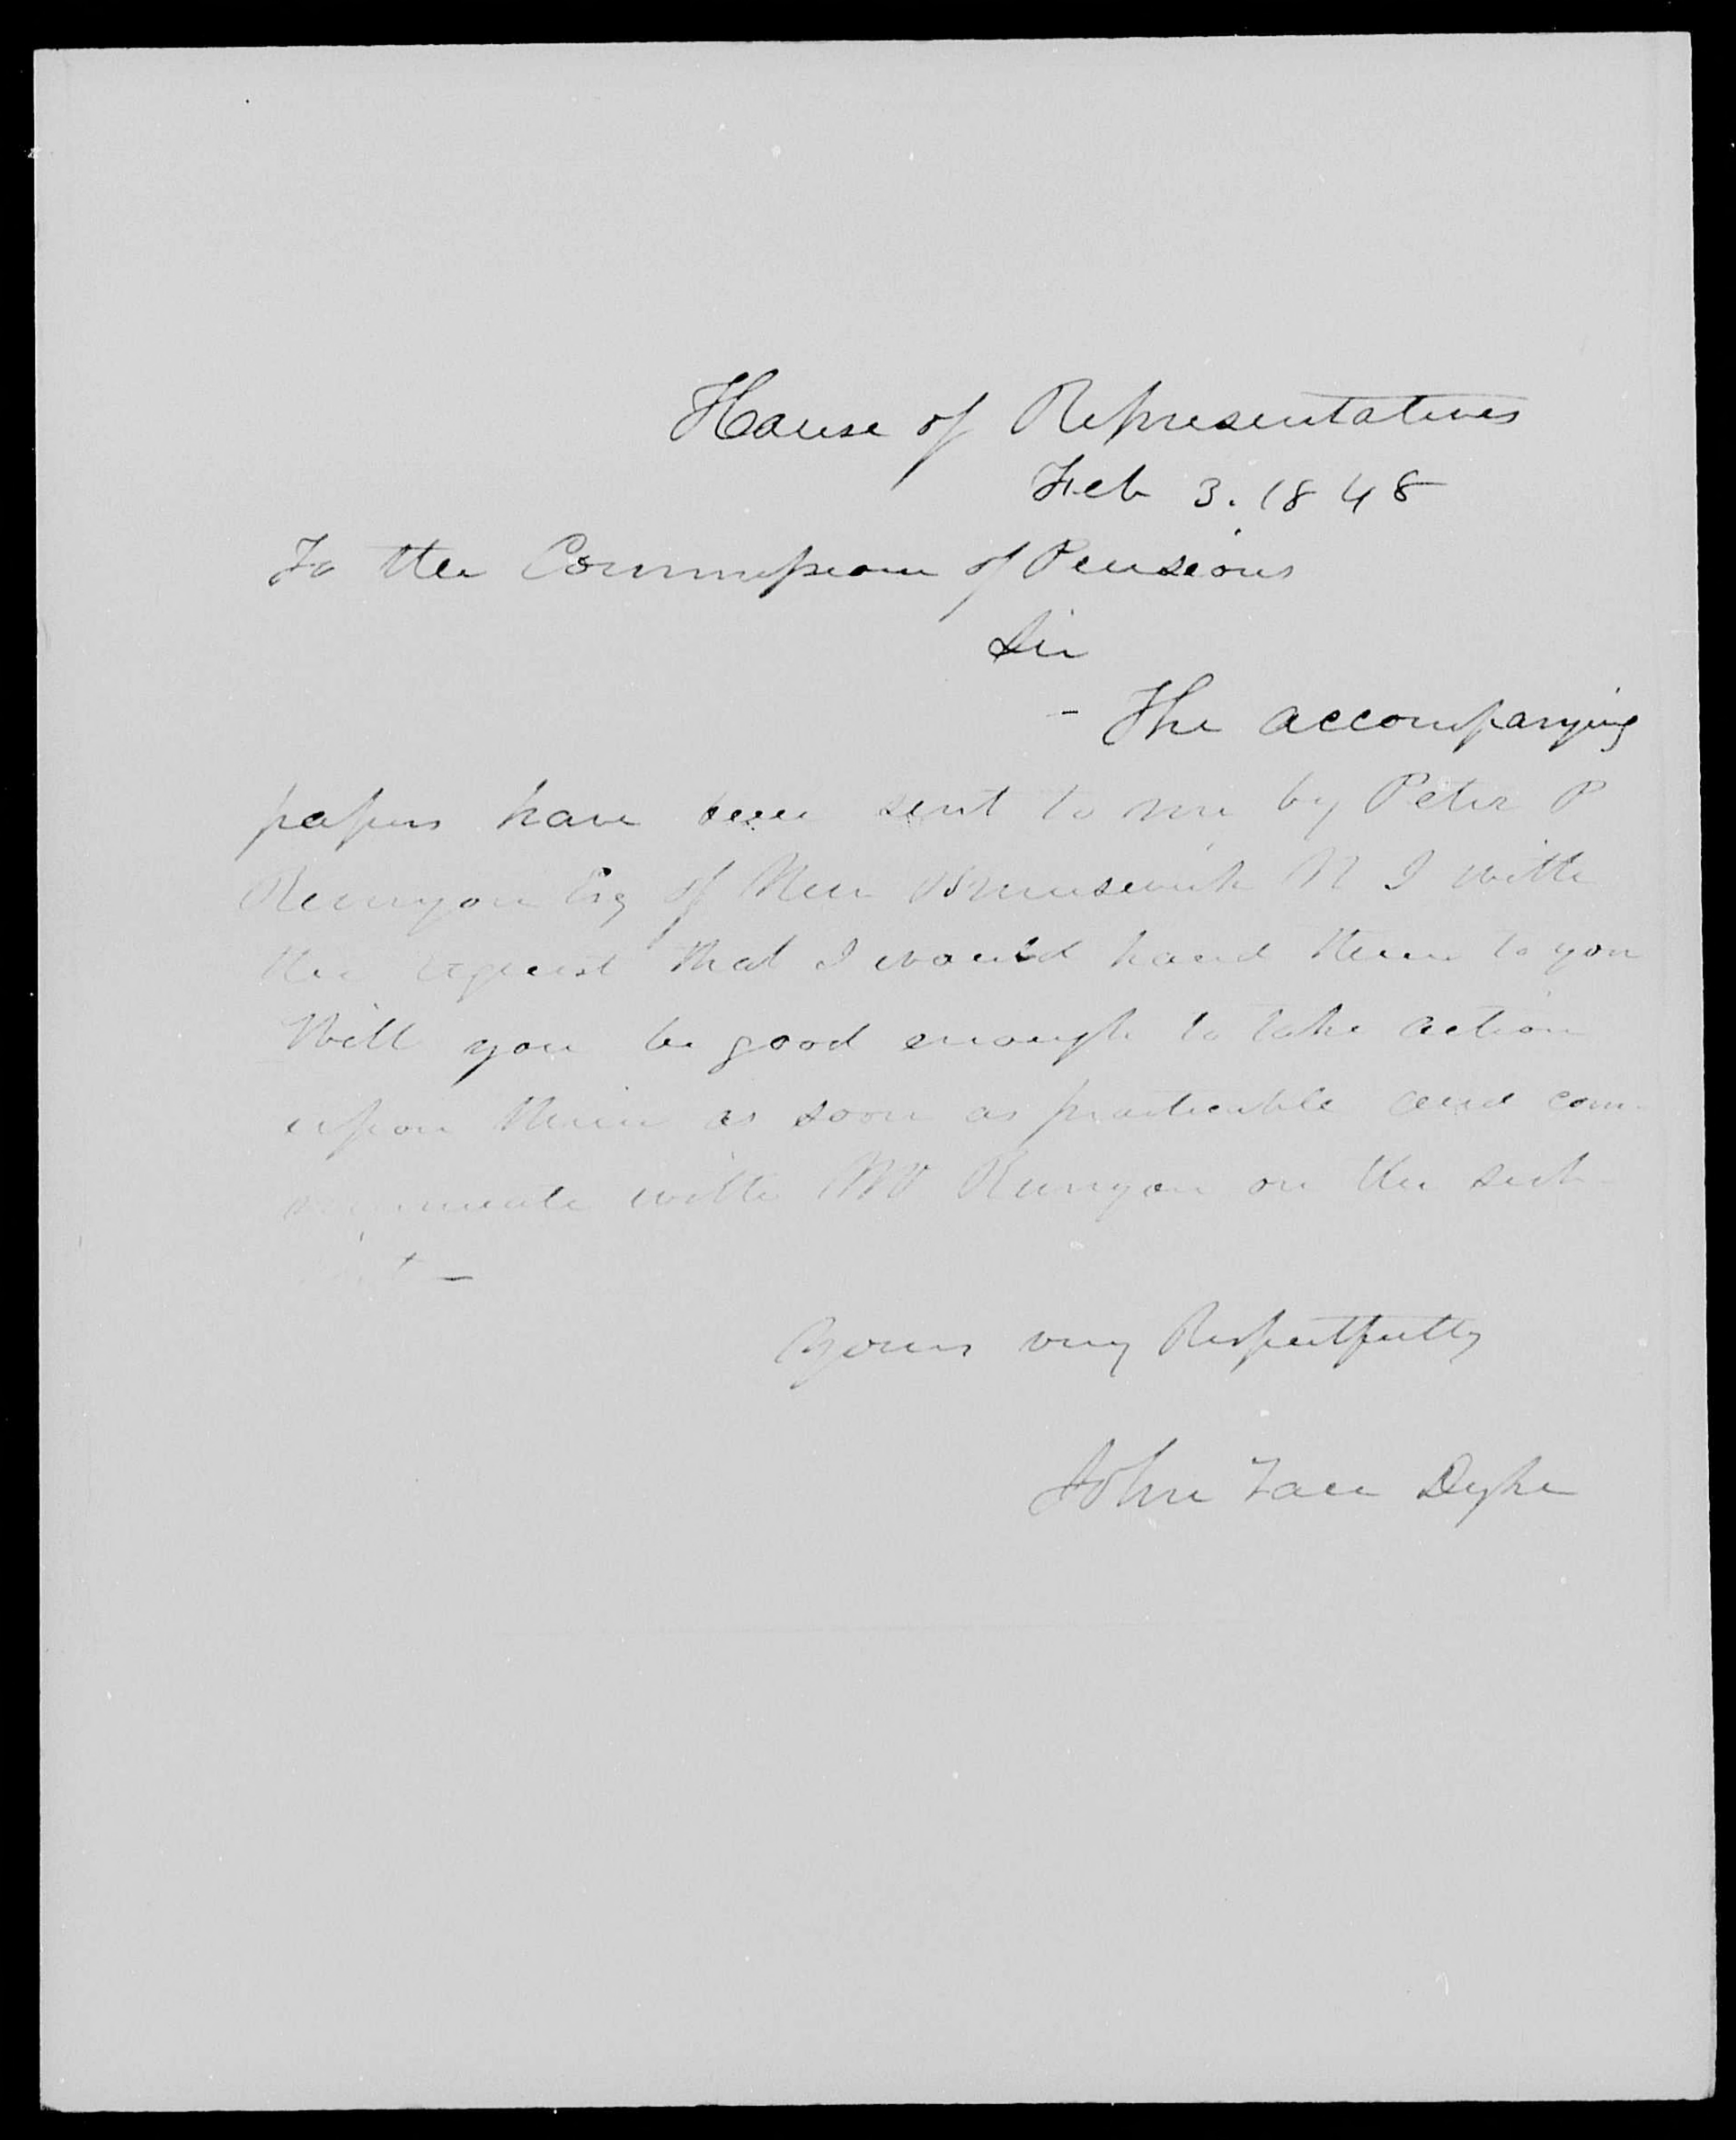House of Representatives
Feb 3. 1848
To the Commissioner of Pensions

Sir
The accompanying
papers have been sent to me by Peter
P. Runyon Esq of New Brunswick N J with
the request that I would hand them to you.
Will you be good enough to take action
upon them as soon as practicable and commmunicate with Mr. Runyon on the [illegible]

Yours very Respectfully
John Van Dyke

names: Runyon, Peter P Runyon, John Van Dyke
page: 42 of 52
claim: widow's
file: W. 919, Joel Dunn, New Jersey